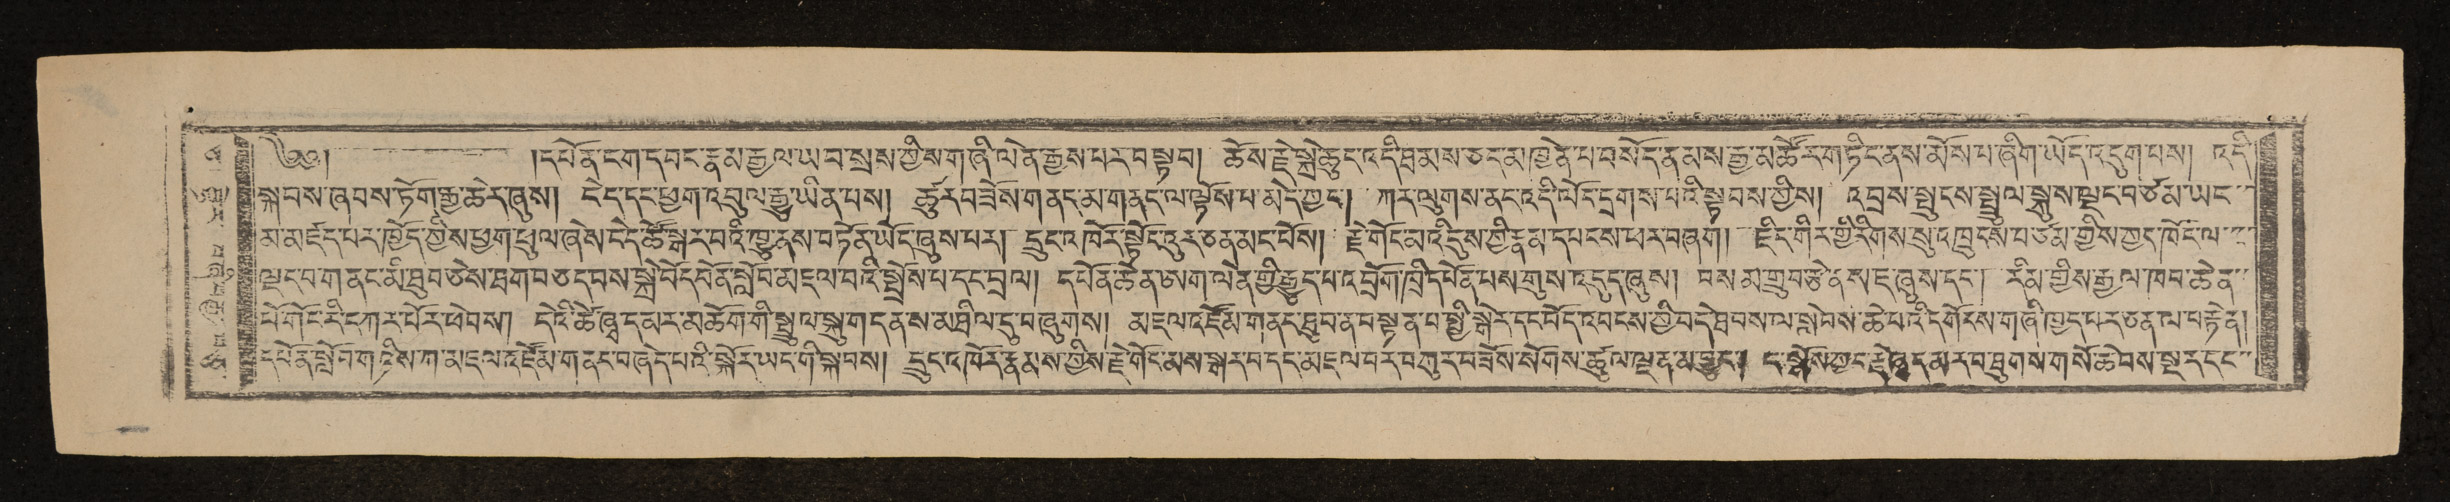༄༅། །དཔོན་ངག་དབང་རྣམ་རྒྱལ་ཡབ་སྲས་ཀྱིས་གཞི་ལེན་རྒྱས་བར་བསྟབ། ཆོས་རྗེ་སྐྲེ་ཆུང་འདི་ཐམས་ཅད་མཁྱེན་པ་བསོད་ནམས་རྒྱ་མཚོར་གཏིང་ནས་མོས་པ་ཞིག་ཡོད་འདུག་པས། འདི་
སྐབས་ཞབས་ཏོག་རྒྱ་ཆེར་ཞུས། ངེད་རང་ཕྱག་འབུལ་རྒྱུ་ཡིན་པས། ཚུར་བཟོས་གནང་མ་གནང་ལ་ལྟོས་པ་མེད་ཀྱང་། ཀར་ལུགས་ནང་འདི་ལོད་དྲགས་པའི་སྟབས་ཀྱིས། འབྲས་སྤུངས་སྤྲུལ་སྐུས་ལྡང་བ་ཙམ་ཡང་
མ་མཛད་པར་ཁྱོད་ཀྱིས་ཕྱག་ཕུལ་ཞེས་ངེད་ཚོ་སྒར་བའི་ཁྱུ་ནས་བཏོན་ཡོང་ཞུས་པར། དྲུང་འཁོར་སྟོང་འུར་ཅན་མང་པོས། རྗེ་གོང་མའི་དུས་ཀྱི་རྣམ་དཔངས་ཕར་བཞག། ཇིང་གིར་གྱི་རིགས་སུ་འཁྲུངས་པ་ཙམ་གྱིས་ཀྱང་ཁོང་ལ་
ལྡང་བ་གནང་མི་ཐུབ་ཅེས་ཐག་བཅད་པས་སྐྲེ་བོ་དཔོན་སློབ་མཇལ་བའི་སྤྲོས་པ་དང་བྲལ། དཔོན་ཆེན་ཨག་ལེན་གྱི་རྒྱུད་པ་འབྲོག་ཁྲི་དཔོན་པས་གུས་འདུད་ཞུས། བསམ་གྲུབ་རྩེ་ནས་ཇ་ཞུས་དང་། རིམ་གྱིས་རྒྱལ་ཁབ་ཆེན་
པོ་གོང་རི་དཀར་པོར་ཕེབས། དེའི་ཚེ་ཞྭ་དམར་མཆོག་གི་སྤྲུལ་སྐུ་གདན་ས་མཐིལ་དུ་བཞུགས། མཇལ་འཛོམ་གནང་ཐུབ་ན་བསྟན་པ་སྤྱི་སྒེར་དང་བོད་འབངས་ཀྱི་བདེ་ཐབས་ལ་སླེབས་ཆེ་བའི་དགོངས་གཞི་ཁྱད་པར་ཅན་ལ་བརྟེན།
དཔོན་སློབ་གཉིས་ཀ་མཇལ་འཛོམ་གནང་བཞེད་པའི་སྐོར་ཡང་གི་སྐབས། དྲུང་འཁོར་རྣམས་ཀྱིས་རྗེ་གོང་མས་སྒར་བ་དང་མཇལ་བར་བཀུར་བཟོས་སོགས་ཚུལ་ལྡན་མ་བྱུང་། ད་སྒོས་ཀྱང་རྗེ་ཞྭ་དམར་བ་ཐུགས་གཡོ་ཆེ་བས་སྔར་དང་